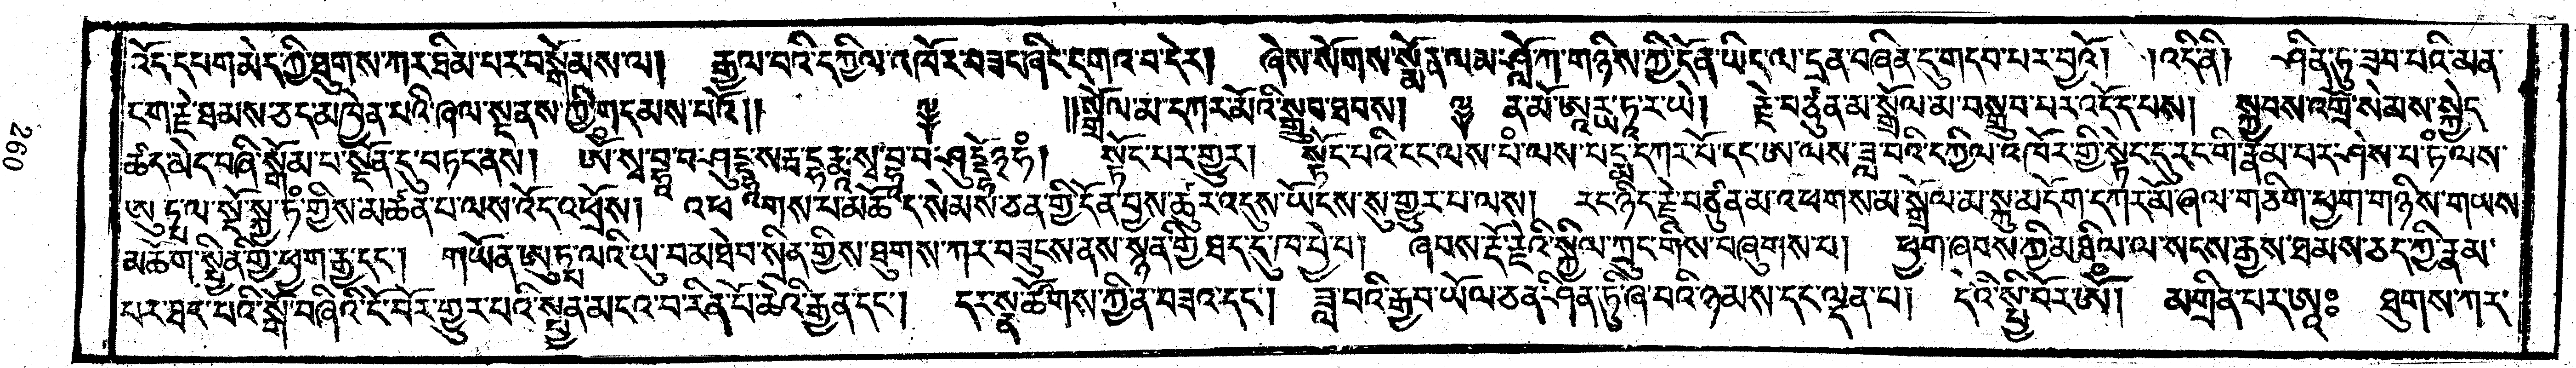འོད་དཔག་མེད་ཀྱི་ཐུགས་ཀར་ཐིམ་པར་བསྒོམས་ལ། རྒྱལ་བའི་དཀྱིལ་འཁོར་བཟང་ཞིང་དགའ་བ་དེར། ཞེས་སོགས་སྨོན་ལམ་ཤློ་ཀ་གཉིས་ཀྱི་དོན་ཡིད་ལ་དྲན་བཞིན་དུ་གདབ་པར་བྱའོ། །འདི་ནི། ཤིན་ཏུ་ཟབ་པའི་མན་
ངག་རྗེ་ཐམས་ཅད་མཁྱེན་པའི་ཞལ་སྔ་ནས་ཀྱི་གདམས་པའོ།། ༈ །།སྒྲོལ་མ་དཀར་མོའི་སྒྲུབ་ཐབས། ༈ ན་མོ་ཨཱརྱ་ཏཱ་ར་ཡེ། རྗེ་བཙུན་མ་སྒྲོལ་མ་བསྒྲུབ་པར་འདོད་པས། སྐྱབས་འགྲོ་སེམས་སྐྱེད་
ཚད་མེད་བཞི་སྒོམ་པ་སྔོན་དུ་བཏང་ནས། ཨོཾ་སྭ་བྷཱ་བ་ཤུདྡྷཱ་སརྦ་དྷརྨཱ་སྭ་བྷ་བ་ཤུདྡྷོཉཧཾ། སྟོང་པར་གྱུར། སྟོང་པའི་དང་ལས་པཾ་ལས་པདམ་དཀར་པོ་དང་ཨ་ལས་ཟླ་བའི་དཀྱིལ་འཁོར་གྱི་སྟེང་དུ་རང་གི་རྣམ་པར་ཤེས་པ་ཏཾ་ལས་
ཨུ་ཏྤ་ལ་སྔོ་སྐྱ་ཏཾ་གྱིས་མཚན་པ་ལས་འོད་འཕྲོས། འཕགས་པ་མཆོད་སེམས་ཅན་གྱི་དོན་བྱས་ཚུར་འདུས་ཡོངས་སུ་གྱུར་པ་ལས། རང་ཉིད་རྗེ་བཙུན་མ་འཕགས་མ་སྒྲོལ་མ་སྐུ་མདོག་དཀར་མོ་ཞལ་གཅིག་ཕྱག་གཉིས་གཡས་
མཆོག་སྤྱིན་གྱི་ཕྱག་རྒྱ་དང་། གཡོན་ཨུཏྤ་ལའི་ཡུ་བ་མཐེབ་སྲིན་གྱིས་ཐུགས་ཀར་བཟུངས་ནས་སྙན་གྱི་ཐད་དུ་ཁ་བྱེ་བ། ཞབས་རྡོ་རྗེའི་སྐྱིལ་ཀྲུང་གིས་བཞུགས་པ། ཕྱག་ཞབས་ཀྱི་མཐིལ་ལ་སངས་རྒྱས་ཐམས་ཅད་ཀྱི་རྣམ་
པར་ཐར་པའི་སྒོ་བཞིའི་ངོ་བོར་གྱུར་པའི་སྤྱན་མངའ་བ་རིན་པོ་ཆེའི་རྒྱན་དང་། དར་སྣ་ཚོགས་ཀྱི་ན་བཟའ་དང་། ཟླ་བའི་རྒྱབ་ཡོལ་ཅན་ཤིན་ཏུ་ཞི་བའི་ཉམས་དང་ལྡན་པ། དེའི་སྤྱི་བོར་ཨོཾ། མགྲིན་པར་ཨཱཿ ཐུགས་ཀར་